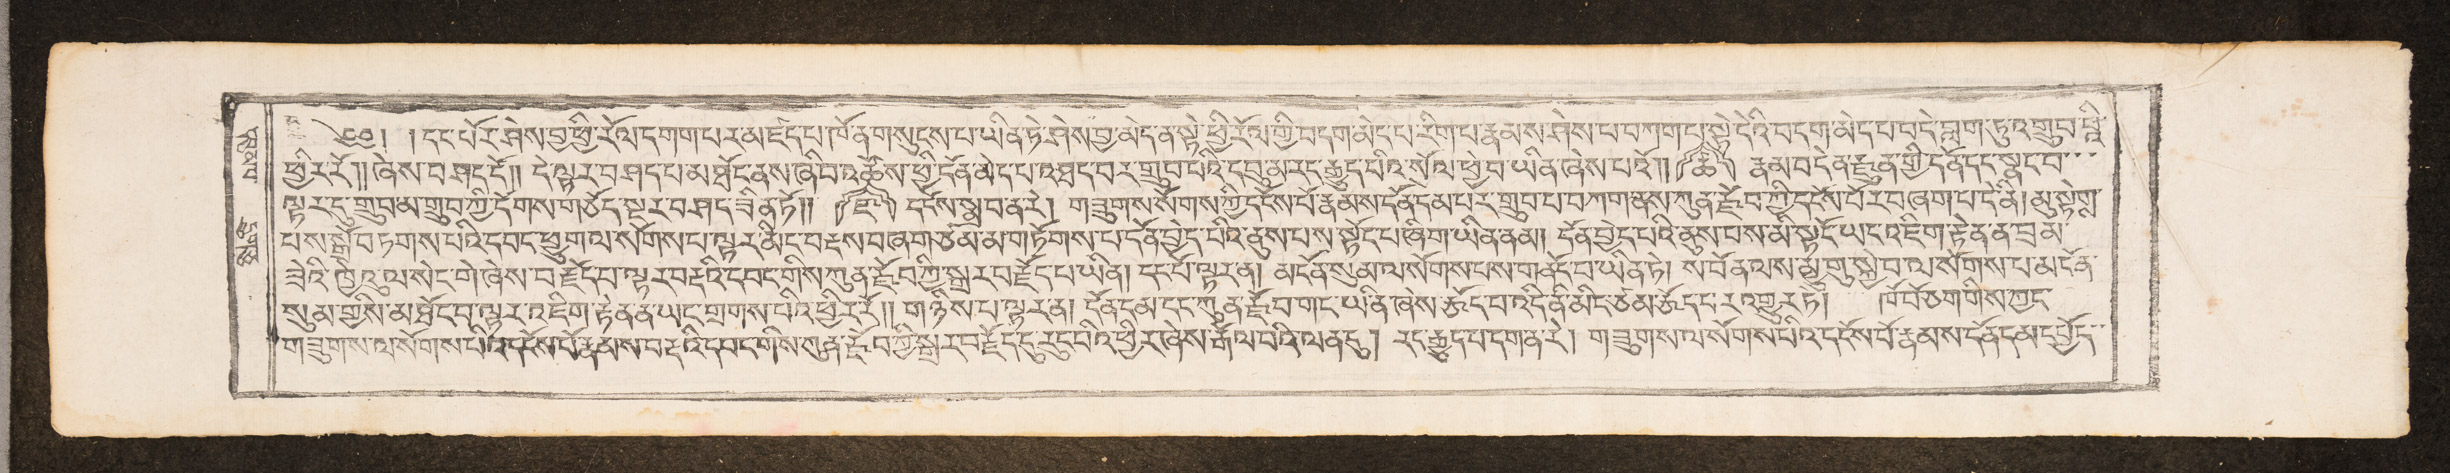༄༅། །དང་པོར་ཤེས་བྱ་ཕྱི་རོལ་དགག་པར་མཛད་པ་ཁོ་ན་གསུངས་པ་ཡིན་ཏེ་ཤེས་བྱ་མེད་ན་སྟེ་ཕྱི་རོལ་གྱི་བདག་མེད་པ་རིག་པ་རྣམས་ཤེས་པ་བཀག་པ་སྟེ་དེའི་བདག་མེད་པ་བདེ་བླག་ཏུ་འགྲུབ་པའི་
ཕྱིར་རོ། །ཞེས་བཤད་དོ། །དེ་ལྟར་བཤད་པ་མཐོང་ནས་ཞི་བ་འཆོས་ཕྱི་དོན་མེད་པ་འཐད་པར་གྲུབ་པའི་དབུ་མ་རང་རྒྱུད་པའི་སྲོལ་ཕྱེ་བ་ཡིན་ཞེས་པའོ།། ༼༽ཆ༼༽ རྣམ་བདེན་རྫུན་གྱི་དོན་དང་སྣང་བ་
ལྟར་དུ་གྲུབ་མ་གྲུབ་ཀྱི་དོགས་གཅོད་སྔར་བཤད་ཟིན་ཏོ། ། ༼༽ཛ༼༽ དངོས་སྨྲ་བ་ན་རེ། གཟུགས་སོགས་ཀྱི་དངོས་པོ་རྣམས་དོན་དམ་པར་གྲུབ་པ་བཀག་ནས་ཀུན་རྫོབ་ཀྱི་དངོས་པོར་བཞག་པ་དེ་ནི། མུ་སྟེགས་
པས་སྒྲོ་བཏགས་པའི་དབང་ཕྱུག་ལ་སོགས་པ་ལྟར་མིང་བརྔས་བཞག་ཙམ་མ་གཏོགས་པ་དོན་བྱེད་པའི་ནུས་པས་སྟོང་པ་ཞིག་ཡིན་ནམ། དོན་བྱེད་པའི་ནུས་པས་མི་སྟོང་ཡང་འཇིག་རྟེན་ན་བྲམ་
ཟེའི་ཁྱེའུ་ལ་སེང་གེ་ཞེས་བརྗོད་པ་ལྟར་བརྡའི་དབང་གིས་ཀུན་རྫོབ་ཀྱི་སྒྲ་བརྗོད་པ་ཡིན། དང་པོ་ལྟར་ན། མངོན་སུམ་ལ་སོགས་པས་གནོད་པ་ཡིན་ཏེ། ས་བོན་ལས་མྱུ་གུ་སྐྱེ་བ་ལ་སོགས་པ་མངོན་
སུམ་གྱིས་མཐོང་བ་ལྟར་འཇིག་རྟེན་ན་ཡང་གྲགས་པའི་ཕྱིར་རོ། །གཉིས་པ་ལྟར་ན། དོན་དམ་དང་ཀུན་རྫོབ་གང་ཡིན་ཞེས་རྩོད་པ་འདི་ནི་མིང་ཙམ་རྩོད་པར་འགྱུར་ཏེ། ཁོ་བོ་ཅག་གིས་ཀྱང་
གཟུགས་ལ་སོགས་པའི་དངོས་པོ་རྣམས་བརྡའི་དབང་གིས་ཀུན་རྫོབ་ཀྱི་སྒྲར་ཀྱི་སྒྲར་བརྗོད་དུ་རུང་བའི་ཕྱིར་ཞེས་རྒོལ་བའི་ལན་དུ། རང་རྒྱུད་པ་དག་ན་རེ། གཟུགས་ལ་སོགས་པའི་དངོས་པོ་རྣམས་དོན་དམ་དཔྱོད་